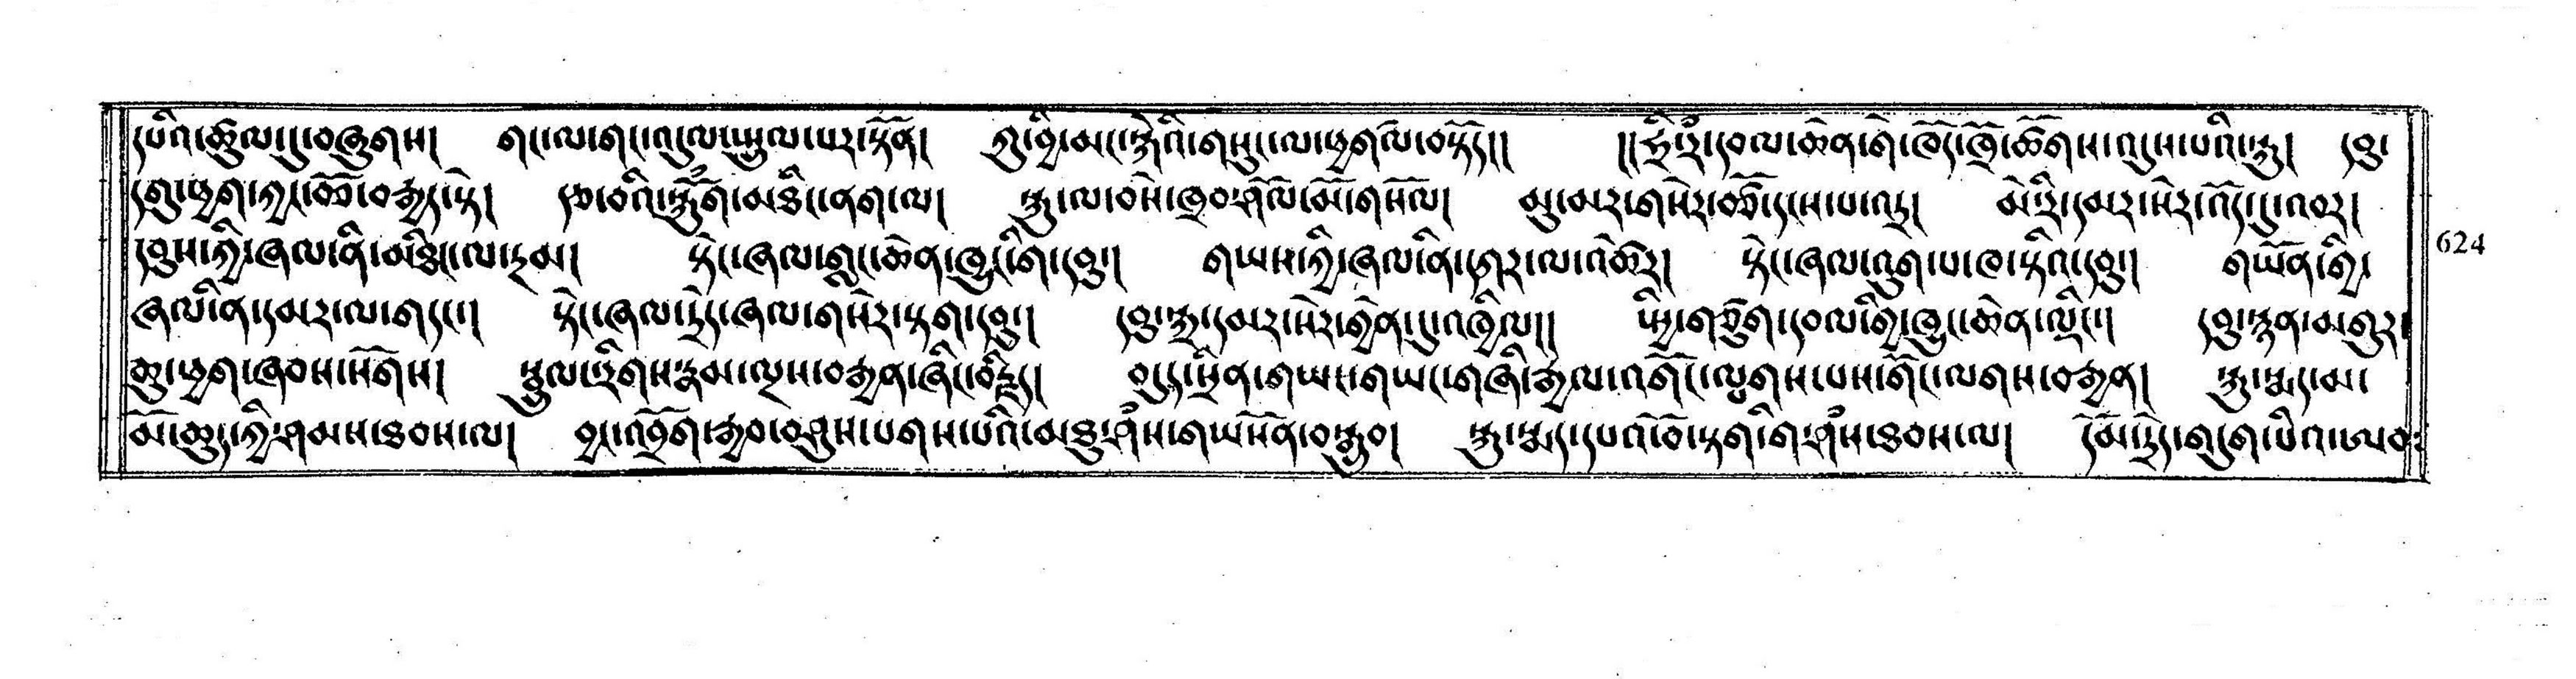དཔའི་ཚུལ་དུ་བཞུགས། གང་ལ་གང་འདུལ་སྤྲུལ་པར་སྟོན། ཀུ་བྱི་མང་སྐེའི་གསུང་ལ་ཕྱག་འཚལ་བསྟོད།། །།ཧྲི་རཾ་དབལ་ཆེན་གེ་ཁོད་ཁྲོ་ཚོགས་འདུས་པའི་སྐུ། དབུ་
དགུ་ཕྱག་ཀྱང་བཅོ་བརྒྱད་སྟེ། རྩ་བའི་སྐུ་མདོག་མཐིང་ནག་ལ། སྐུ་ལ་བསེ་ཁྲབ་ཤོལ་མོ་གསོལ། མུ་མར་གསེར་བཙོ་དངས་པ་འདྲ། མེ་རི་དམར་སེར་འོད་དུ་འབར། 
དབུས་ཀྱི་ཞལ་ནི་མཐིང་ལ་རྔམ། སྟེང་ཞལ་གླང་ཆེན་ཁྱུང་གི་དབུ། གཡས་ཀྱི་ཞལ་ནི་དཀར་ལ་འཚེར། སྟེང་ཞལ་འུག་པ་ཁ་ཏའི་དབུ། གཡོན་གྱི་
ཞལ་ནི་དམར་ལ་གདང་། སྟེང་ཞལ་དྲེད་ཞལ་གསེར་སྟག་དབུ། དབུ་སྐྲ་དམར་སེར་གྱེན་དུ་འཁྱིལ།། སྤྱི་གཙུག་དབལ་གྱི་ཁྱུང་ཆེན་ལྡིང་། དབུ་སྙན་མགུར་
ཆུ་ཕྱག་ཞབས་སོགས། སྦྲུལ་རིགས་རྣམ་ལྔས་བརྒྱན་ཞིང་བརྗིད། བདུད་སྲིན་གཡང་གཞི་རྒྱལ་འགོང་ལྤགས་པས་གོང་ལག་བརྒྱན། སྐུ་སྨད་མ་
མོ་ཆུད་ཀྱི་ཤམས་ཐབས་ལ། བྱང་འབྲོག་རྒྱབ་བཤུས་པགས་པའི་མཐུ་ཤམས་གཡས་གཡོན་བསྒྲུབ། སྐུ་སྨད་དཔའ་བོ་སྟག་གི་ཤམས་ཐབས་ལ། དོམ་དྲེད་གདུག་པའི་ཨབ་༼ཡང་༽